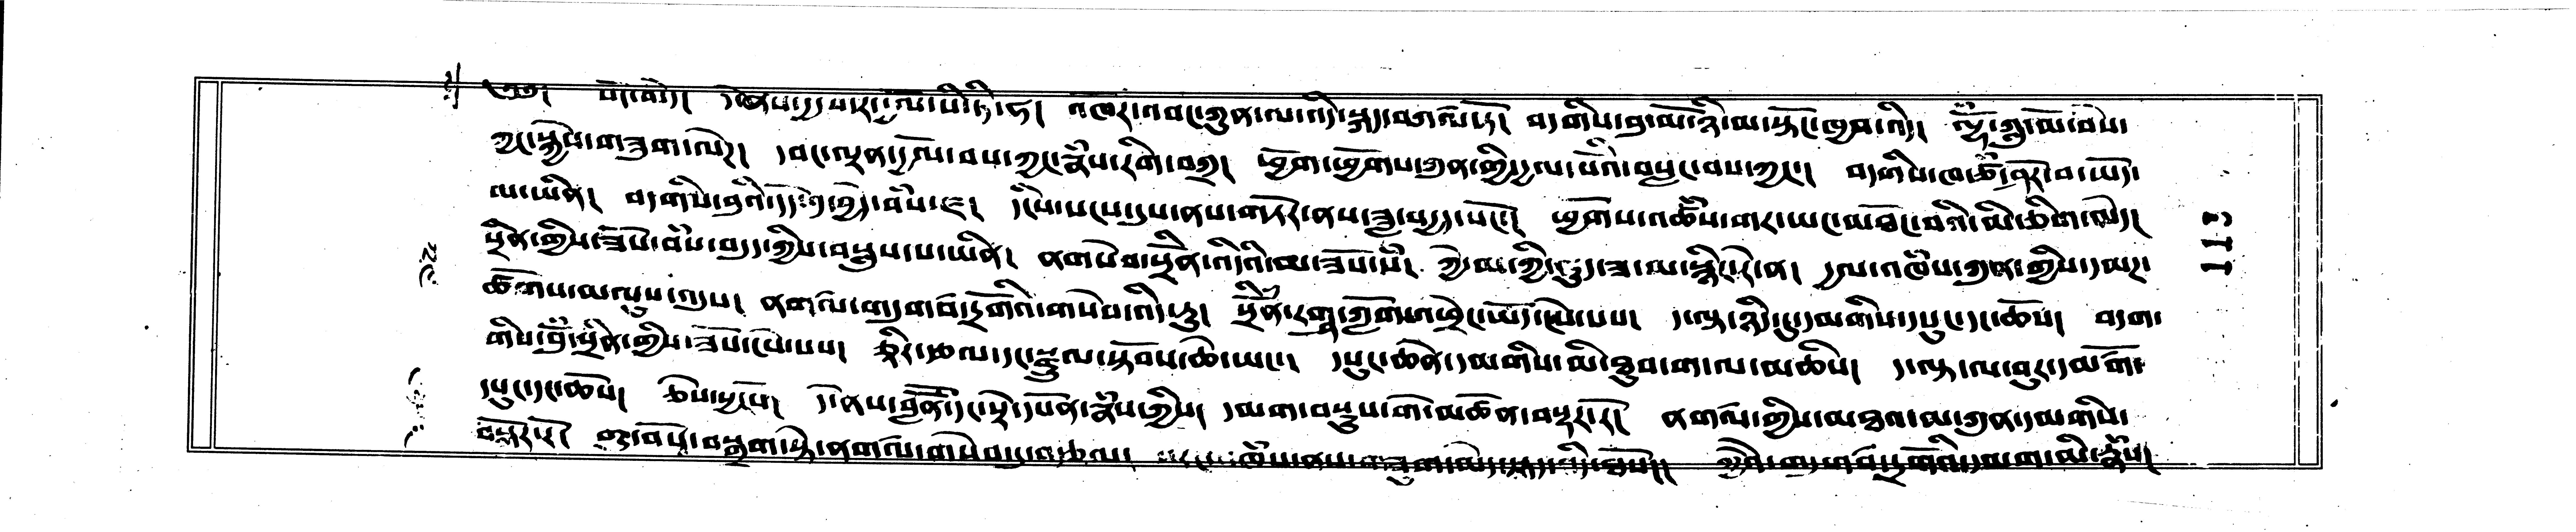སོང་མེད། དེ་ནས་རྒྱ་གར་རྒྱལ་པོ་སི་ཏི་ཧ། འཁོར་འབངས་ཀུན་ལ་འདི་སྐད་བཀའ་སྩལ་ཏོ། བདག་གིས་བུ་མོ་ཉི་མ་སྟོང་ཁྱབ་འདི། ལྷ་མོ་ཀླུ་མོ་བས་
ཀྱང་སྐྱེ་གཟུགས་ལེགས། དབང་ལྡན་རྒྱལ་པོ་བས་ཀྱང་རྣམ་རིག་བཀྲ། ཕྱོགས་ཕྱོགས་ཀུན་གྱི་རྒྱལ་པོའི་བསླང་བས་ཀྱང་། བདག་གིས་ཁ་ཙམ་ཤོར་བ་ཡོད་
མ་ཡིན། བདག་གིས་བུ་ཡིས་དོད་ཅིག་བྱེད་བསམ་ཛ། དེང་སང་དུས་ནས་གཏོར་ནས་ཟླ་བརྒྱད་སོང་། ཕྱོགས་མཚམས་གར་ཡང་མཐོང་བའི་མི་གཅིག་མེད། 
སྲིན་གྱིས་ཟོས་སམ་བདུད་ཀྱིས་བསླུས་པ་ཡིན། ནགས་གསེབ་སྲིན་པོ་འདི་ཡིས་མ་ཟོས་སམ། ཀྱེ་མ་ཀྱི་ཧུད་ཟ་མ་སྙིང་རེ་ན། རྒྱལ་ཁམས་ཀུན་གྱིས་དམག་
ཚོགས་མ་ལུས་འདུས། ནགས་ཚལ་གདུག་རྩུབ་དྲག་པོའི་གསེབ་འདི་རུ། སྲིན་མོ་རགྴ་གློག་ཕྲེང་ཡོད་ངེས་པས། ད་ལྟ་ཉིད་དུ་དམག་གི་དཔུང་དང་ཆོས། བདག་
གི་བུ་མོ་སྲིན་གྱིས་ཟོས་ངེས་པས། ཅི་ལྟར་རྩལ་དང་རྫུ་འཕྲུལ་སྟོབས་ཆེ་ཡང་། དཔུང་ཆེན་དམག་གིས་མི་ཐུབ་ག་ལ་མཆིས། ད་ལྟ་ལ་འུར་དམག་
དཔུང་དང་ཆོས། ཅེས་གསུངས་སོ། དེ་ནས་བློན་པོ་དང་སྡེ་དཔོན་རྣམས་ཀྱིས། དམག་བསྡུས་གོ་མཚོན་བསྟར་རོ། ནགས་ཚལ་གྱི་མཐའ་མ་ཀུན་དམག་གིས་
བསྐོར་རོ། ཀུ་བསྭོ་བསྒྲགས་ཏེ་ནགས་ཚལ་གསེབ་ཏུ་བཙལ། བར་སྣང་ཁམས་ནས་གཟུགས་མེད་སྐད་འདི་ཐོས། ཀྱཻ་གདུག་རྩུབ་དྲག་པོའི་དམག་མི་རྣམས།